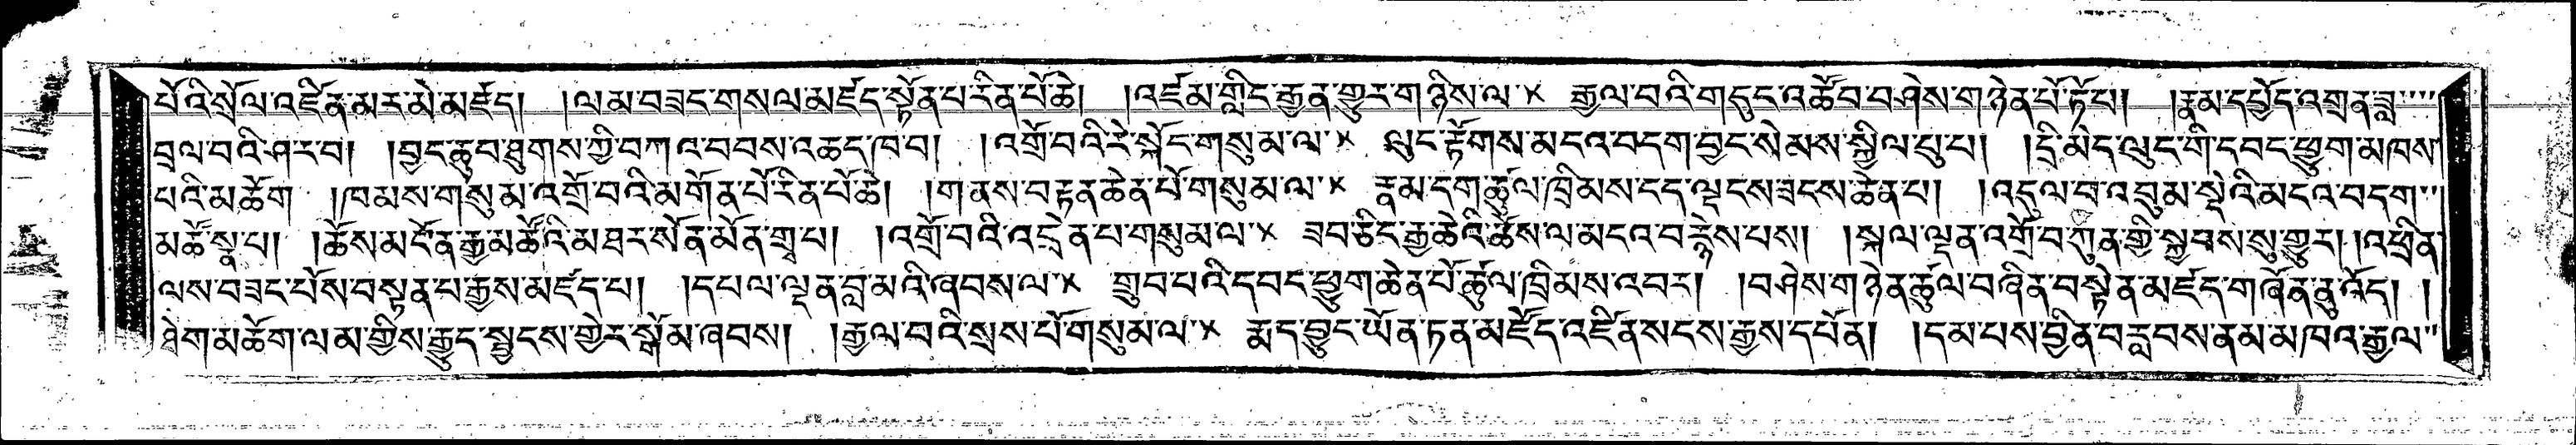པོའི་སྲོལ་འཛིན་མར་མེ་མཛད། །ལམ་བཟང་གསལ་མཛད་སྟོན་པ་རིན་པོ་ཆེ། །འཛམ་གླིང་རྒྱན་གྱུར་གཉིས་ལ་{྾}་རྒྱལ་བའི་གདུང་འཚོབ་བཤེས་གཉེན་པོ་ཏོ་པ། །རྣམ་དཔྱོད་འགྲན་ཟླ་
བྲལ་བའི་ཤ་ར་བ། །བྱང་ཆུབ་ཐུགས་ཀྱི་བཀའ་བབས་འཆད་ཁ་བ། །འགྲོ་བའི་རེ་སྐོང་གསུམ་ལ་{྾}་ལུང་རྟོགས་མངའ་བདག་བྱང་སེམས་སྐྱིལ་པུ་པ། །དྲི་མེད་ལུང་གི་དབང་ཕྱུག་མཁས་
པའི་མཆོག །ཁམས་གསུམ་འགྲོ་བའི་མགོན་པོ་རིན་པོ་ཆེ། །གནས་བརྟན་ཆེན་པོ་གསུམ་ལ་{྾}་རྣམ་དག་ཚུལ་ཁྲིམས་ངད་ལྡངས་ཟངས་ཆེན་པ། །འདུལ་བ་འབུམ་སྡེའི་མངའ་བདག་
མཚོ་སྣ་པ། །ཆོས་མངོན་རྒྱ་མཚོའི་མཐར་སོན་མོན་གྲྭ་པ། །འགྲོ་བའི་འདྲེན་པ་གསུམ་ལ་{྾}་ཟབ་ཅིང་རྒྱ་ཆེའི་ཆོས་ལ་མངའ་བརྙེས་པས། །སྐལ་ལྡན་འགྲོ་བ་ཀུན་གྱི་སྐྱབས་སུ་གྱུར། །འཕྲིན་
ལས་བཟང་པོས་བསྟན་པ་རྒྱས་མཛད་པ། །དཔལ་ལྡན་བླ་མའི་ཞབས་ལ་{྾}་གྲུབ་པའི་དབང་ཕྱུག་ཆེན་པོ་ཚུལ་ཁྲིམས་འབར། །བཤེས་གཉེན་ཚུལ་བཞིན་བསྟེན་མཛད་གཞོན་ནུ་འོད། །
ཐེག་མཆོག་ལམ་གྱིས་རྒྱུད་སྦྱངས་གྱེར་སྒོམ་ཞབས། །རྒྱལ་བའི་སྲས་པོ་གསུམ་ལ་{྾}་རྨད་བྱུང་ཡོན་ཏན་མཛོད་འཛིན་སངས་རྒྱས་དཔོན། །དམ་པས་བྱིན་བརླབས་ནམ་མཁའ་རྒྱལ་